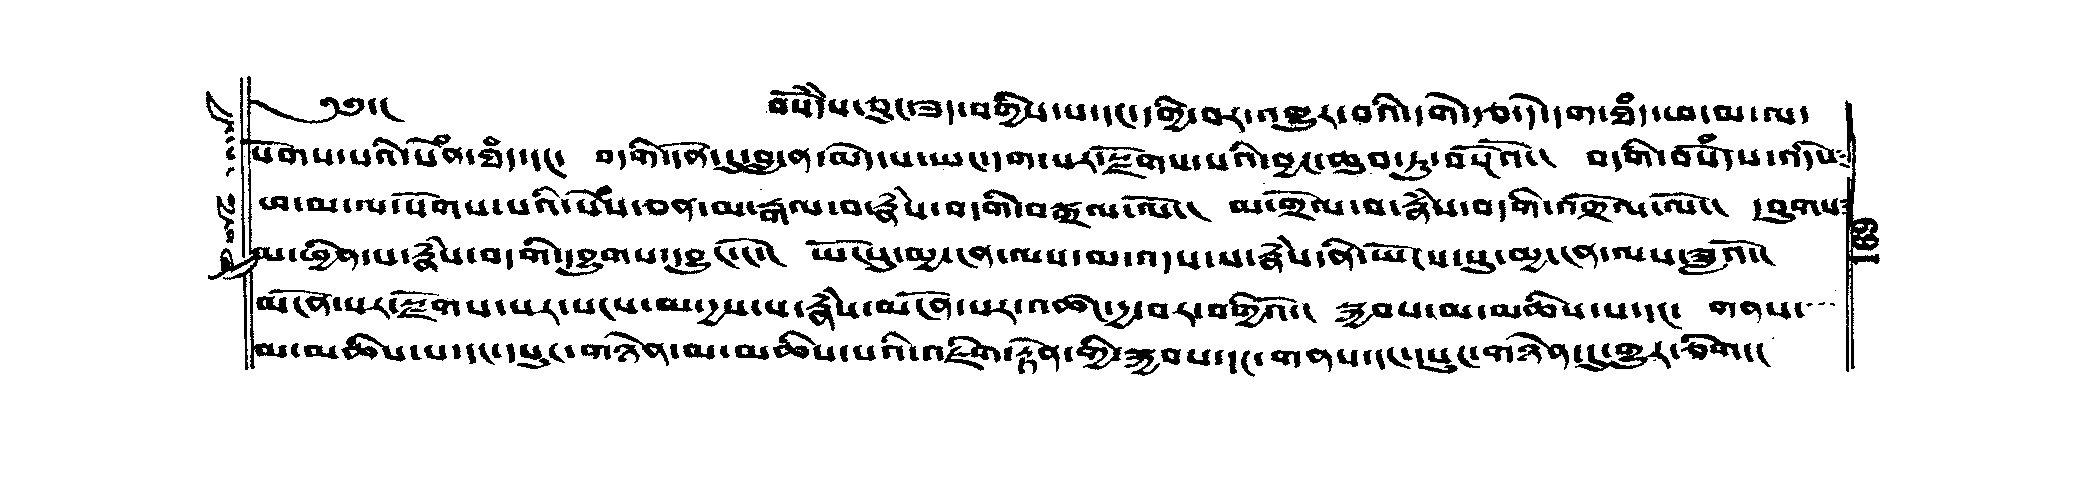བསོད་ནམས་ཅུང་ཟད་བགྱིས་པ་དང་དགྱི་བར་འགྱུར་བའི་དགེ་རྩ་དེ་དག་ཐམས་ཅད་ཕ་མ་ལ་
སོགས་པའི་སེམས་ཅན་ཐམས་ཅད་དང་། བདག་གི་དོན་དུ་བླ་ན་མེད་པ་ཡང་དག་པར་རྫོགས་པའི་བྱང་ཆུབ་ཏུ་བསྔོའོ། བདག་གི་བསོད་ནམས་འདིས་
ཕ་མ་ལ་སོགས་པའི་སེམས་ཅན་མ་རྒལ་བ་རྣམས་བདག་གི་བསྒྲལ་ལོ། མ་གྲོལ་བ་རྣམས་བདག་གི་འགྲོལ་ལོ། དབུགས་
མ་ཕྱིན་པ་རྣམས་བདག་གི་དབྱུགས་དབྱུང་ངོ་། ཡོངས་སུ་མྱ་ངན་ལས་མ་འདས་པ་རྣམས་ནི་ཡོངས་སུ་མྱ་ངན་ལས་ཟླའོ།
མངོན་པར་རྫོགས་པར་སངས་མ་རྒྱས་པ་རྣམས་མངོན་པར་འཚང་རྒྱ་བར་བགྱིའོ། སྐྱབས་མ་མཆིས་པ་དང་། གནས་
མ་མཆིས་པ་དང་དཔུང་གཉེན་མ་མཆིས་པའི་འཇིག་རྟེན་གྱི་སྐྱབས་དང་གནས་དང་དཔུང་གཉེན་དུ་གྱུར་ཅིག